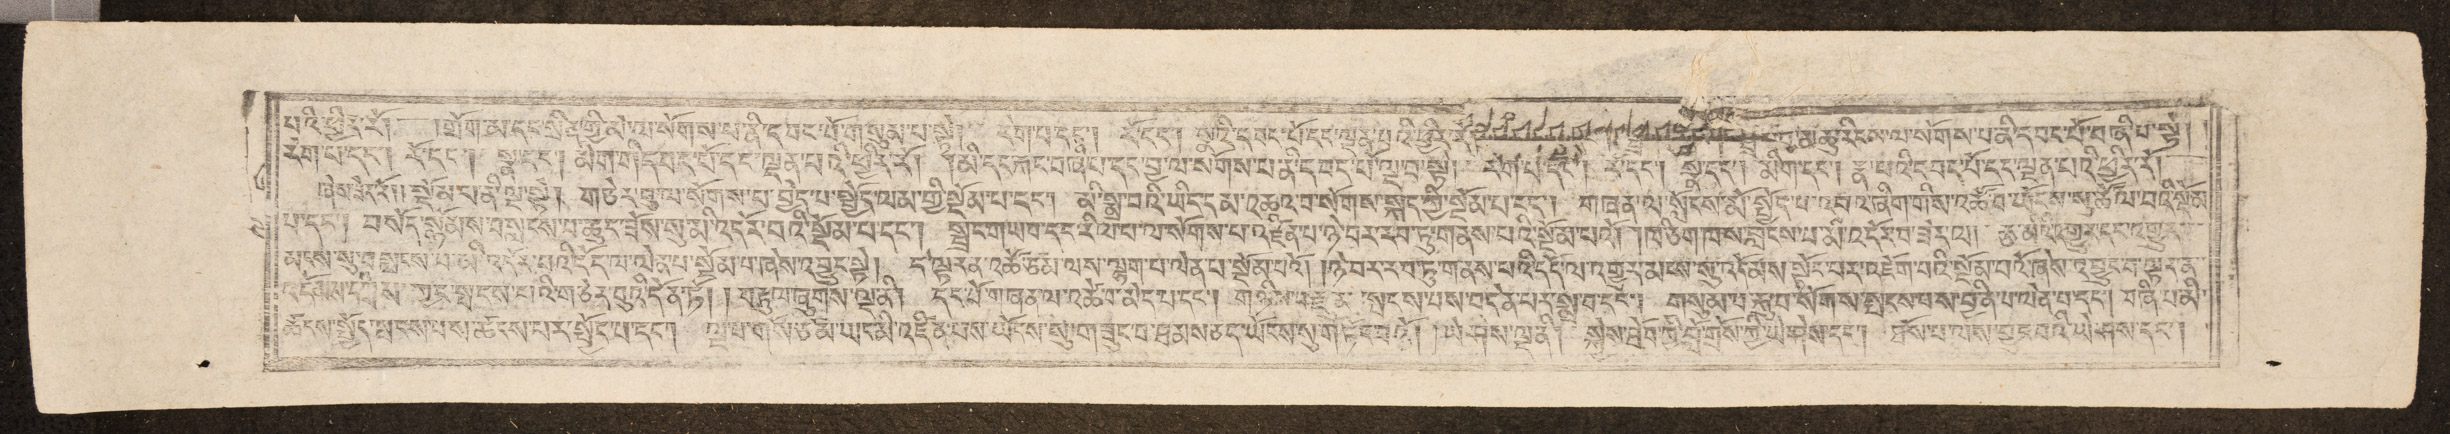པའི་ཕྱིར་རོ། །གྲོག་མ་དང་སྲིན་གྱི་མེ་ལ་སོགས་པ་ནི་དབང་པོ་གསུམ་པ་སྟེ། རེག་པ་དང་། རོ་དང་། སྣའི་དབང་པོ་དང་ལྡན་པའི་ཕྱིར་རོ། །བུང་བ་དང་། སྦྲང་བུ་དང་། སྦྲང་བུ་མཆུ་རིངས་ལ་སོགས་པ་ནི་དབང་པོ་བཞི་པ་སྟེ།
རེག་པ་དང་། རོ་དང་། སྣ་དང་། མིག་གི་དབང་པོ་དང་ལྡན་པའི་ཕྱིར་རོ། །མི་དང་རྐང་བཞི་པ་དང་བྱ་ལ་སོགས་པ་ནི་དབང་པོ་ལྔ་པ་སྟེ། རེག་པ་དང་། རོ་དང་། སྣ་དང་། མིག་དང་། རྣ་བའི་དབང་པོ་དང་ལྡན་པའི་ཕྱིར་རོ།
ཞེས་ཟེར་རོ། །སྡོམ་པ་ནི་ལྔ་སྟེ། གཅེར་བུ་ལ་སོགས་པ་བྱེད་པ་སྤྱོད་ལམ་གྱི་སྡོམ་པ་དང་། མི་སྨྲ་བའི་ཡིད་དམ་འཆའ་བ་སོགས་སྐད་ཀྱི་སྔོམ་པ་དང་། གཞན་ལ་སློངས་མོ་སྤྱོད་པ་འབའ་ཞིག་གིས་འཚོ་བ་ཡོངས་སུ་ཚོལ་བའི་སྔོན་
པ་དང་། བསོད་སྙོམས་བསླངས་པ་ཆུད་ཟོས་སུ་མི་འདོར་བའི་སྡོམ་པ་དང་། སྦྲང་གཡབ་དང་རིལ་པ་ལ་སོགས་པ་འཛིན་པ་ཉེ་བར་རབ་ཏུ་གནས་པའི་སྡོམ་པའོ། །ཁ་ཅིག་ཁས་བླངས་པ་མི་འདོར་བ་ཟེར་ལ། རྩ་མིའི་འགྱུར་དང་འགྱུར་
མངས་སུ་བསླངས་པ་མི་འདོར་བའི་དོད་ལ་ལེན་པ་སྔོམ་པ་ཞེས་འབྱུང་སྟེ། དེ་ལྟར་ན་འཚོ་ཙམ་ལས་ལྷག་པ་ལེན་པ་སྔོམ་པའོ། །ཉེ་བར་རབ་ཏུ་གནས་པའི་དོད་ལ་འགྱུར་མངས་སུ་འདོམས་སྟོང་པར་འཇོག་པའི་སྔོམ་པའོ་ཞེས་འབྱུང་བ་ལྟར་ན་
འདོམས་དཀྲིས་ཀྱང་སྤངས་པའི་གཅེར་བུའི་དོན་ཏོ། །བརྟུལ་ཞུགས་ལྔ་ནི། དང་པོ་གཞན་ལ་འཚེ་བ་མེད་པ་དང་། གཉིས་བརྫུན་སྤངས་པས་བདེན་པར་སྨྲ་བ་དང་། གསུམ་པ་རྐུ་བ་སོགས་སྤངས་པས་བྱ་ནི་པ་ལེན་པ་དང་། བཞི་པ་མི་
ཚངས་སྤྱོད་སྤངས་པས་ཚངས་པར་སྤྱོད་པ་དང་། ལྔ་པ་གསོ་ཙམ་ཡང་མི་འཛིན་པས་ཡོངས་སུ་གཟུང་བ་ཐམས་ཅད་ཡོངས་སུ་གཏོང་བའོ། །ཡེ་ཤེས་ལྔ་ནི། སྐྱེས་ཐོབ་ཀྱི་བློ་གྲོས་ཀྱི་ཡེ་ཤེས་དང་། ཐོས་པ་ལས་བྱུང་བའི་ཡེ་ཤས་དང་།